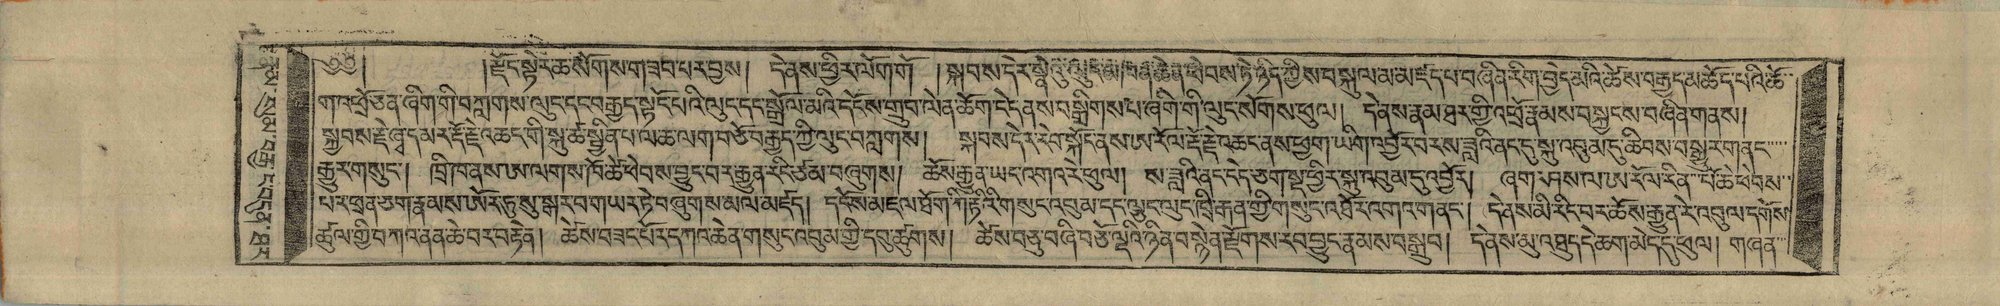༄༅། །རྫོང་སྟེར་ཆ་སོགས་གཟབ་པར་བྱས། དེ་ནས་ཕྱིར་ལོག་གོ །སྐབས་དེར་སྣེའུ་ལུང་མཁན་ཆེན་ཕེབས་ཏེ་ཉིད་ཀྱིས་བསྐུལ་མ་མཛད་པ་བཞིན་རིག་བྱེད་མའི་ཚེས་བརྒྱད་མཆོད་པའི་ཆོ་
ག་འཕྲོ་ཅན་ཞིག་གི་བཀླགས་ལུང་དང་བརྒྱད་སྟོང་པའི་ལུང་དང་སྒྲོལ་མའི་དངོས་གྲུབ་ལེན་ཆོག་ངེད་ནས་བསྒྲིགས་པ་ཞིག་གི་ལུང་སོགས་ཕུལ། དེ་ནས་རྣམ་ཐར་གྱི་འཕྲོ་རྣམས་བསྐྱངས་བཞིན་གནས།
སྐྱབས་རྗེ་ཞྭ་དམར་རྡོ་རྗེ་འཆང་གི་སྐུ་ཚ་སྦྱིན་པ་ལ་ཆ་ལག་བཅོ་བརྒྱད་ཀྱི་ལུང་བཀླགས། སྐབས་དེར་རེ་བ་སྐོང་ནས་ཨ་རོལ་རྡོ་རྗེ་འཆང་ནས་ཕྱག་ཡིག་འབྱོར་བར་ས་ཟླའི་ནང་དུ་སྐུ་འབུམ་དུ་ཆིབས་བསྒྱུར་གནང་
རྒྱུར་གསུང་། ཁྲི་ཁ་ནས་ཨ་ལགས་ཁོ་ཚེ་ཕེབས་བྱུང་བར་རྒྱུན་རིང་ཙམ་བཞུགས། ཆོས་རྒྱུན་ཡང་འགའ་རེ་ཕུལ། ས་ཟླའི་ནང་ངེད་ཅག་སྔ་ཕྱིར་སྐུ་འབུམ་དུ་འབྱོར། ཞག་ཤས་ལ་ཨ་རོལ་རིན་པོ་ཆེ་ཕེབས་
པར་ཕྲན་ཅག་རྣམས་ཨོར་ཏུ་སུ་སྒར་བ་གཡར་ཏེ་བཞུགས་མལ་མཛད། དངོས་མཇལ་ཐོག་ཀི་རྟིའི་གསུང་འབུམ་དང་ལྕང་ལུང་ཁྲི་རྒན་གྱི་གསུང་འཐོར་འགའ་གནང་། དེ་ནས་མི་རིང་བར་ཆོས་རྒྱུན་རེ་འབུལ་དགོས་
ཚུལ་གྱི་བཀའ་ནན་ཆེ་བར་བརྟེན། ཚེས་བཟང་པོར་དཀའ་ཆེན་གསུང་འབུམ་གྱི་དཔུ་ཚུགས། ཚེས་བཅུ་བཞི་བཅོ་ལྔའི་ཉིན་བསྙེན་རྫོགས་རབ་བྱུང་རྣམས་བསྒྲུབ། དེ་ནས་མུ་འཐུད་དེ་ཆག་མེད་དུ་ཕུལ། གཞན་